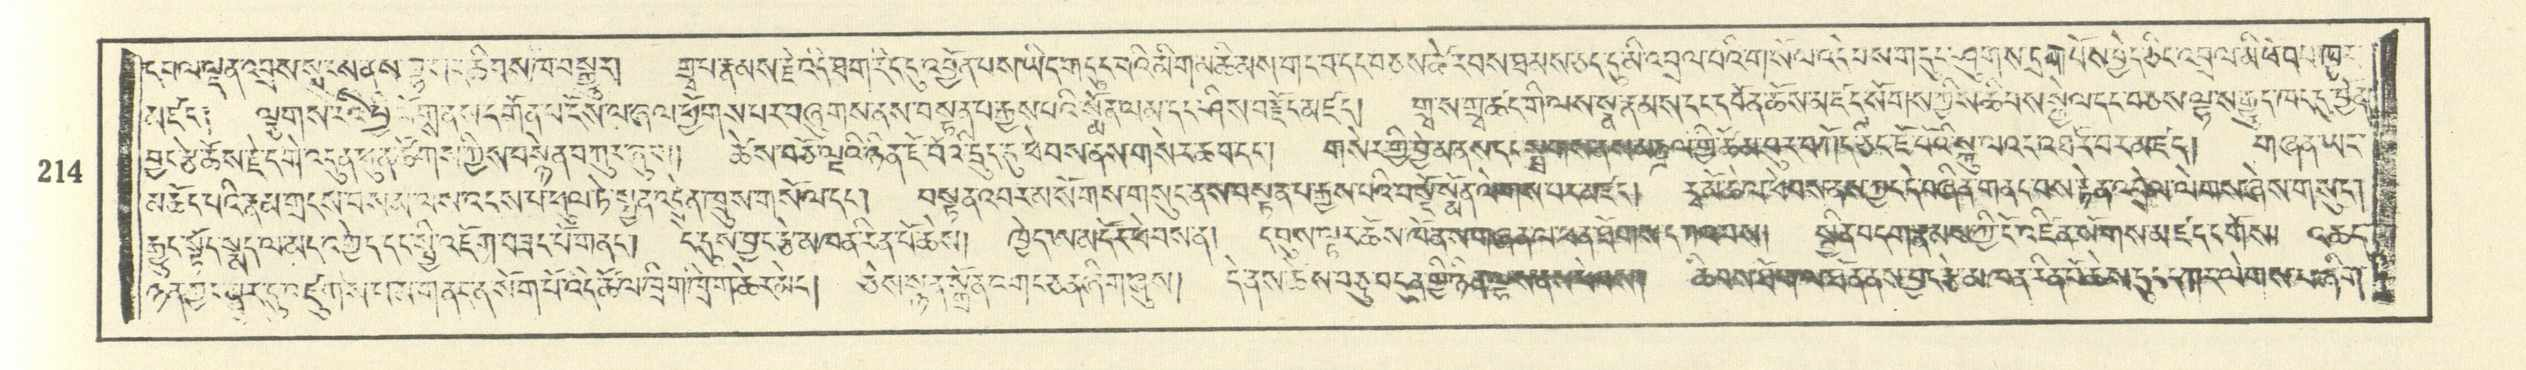དཔལ་ལྡན་འབྲས་སྤུངས་ནས་ལྷ་སར་ཆིབས་ཁ་བསྒྱུར། གྲྭ་པ་རྣམས་རྗེ་འདི་ཐག་རིང་དུ་འབྱོན་པས་ཡིད་གདུང་བའི་མིག་མཆི་མས་གང་བ་དང་བཅས་ཚེ་རབས་ཐམས་ཅད་དུ་མི་འབྲལ་བའི་གསོལ་འདེབས་གདུང་ཤུགས་དྲག་པོས་བྱེད་ཅིང་འབྲལ་མི་ཕོད་པ་ལྷར་
མཛད༑ ལྕགས་རིའི་ཕྱི་ལོགས་ནས་དགོན་པ་ངོས་ལ་ཞལ་ཕྱོགས་པར་བཞུགས་ནས་བསྟན་པ་རྒྱས་པའི་སྨོན་ལམ་དང་ཤིས་བརྗོད་མཛད། གྲྭ་ས་གྲྭ་ཚང་གི་ལས་སྣ་རྣམས་དང་དཔོན་ཆོས་མཛད་སོགས་ཀྱིས་ཆིབས་སྐྱེལ་དང་བཅས་ལྷ་ས་རྒྱུད་ཁང་དུ་བྱོན།
བྱང་རྩེ་ཆོས་རྗེ་དགེ་འདུན་ཕུན་ཚོགས་ཀྱིས་བསྙེན་བཀུར་ཞུས། ཚེས་བཅོ་ལྔའི་ཉིན་ཇོ་པོའི་དྲུང་དུ་ཕེབས་ནས་གསེར་ཆབ་དང་། གསེར་གྱི་བྱེ་མ་ནས་དང་སྤྲགས་ནས་མཎྜལ་གྱི་ཚོམ་བུར་བཀོད་ཅིང་ཇོ་བོའི་སྐུ་ལའང་འཐོར་བར་མཛད། གཞན་ཡང་
མཆོད་པའི་རྣམ་གྲངས་བསམ་ལས་འདས་པ་ཕུལ་ཏེ་སྤྱན་འདྲེན་ཁྲུས་གསོལ་དང་། བསྟན་འབར་མ་སོགས་གསུང་ནས་བསྟན་པ་རྒྱས་པའི་བསྔོ་སྨོན་ལེགས་པར་མཛད། རྭ་མོ་ཆེ་ལ་ཕེབས་ནས་ཀྱང་དེ་བཞིན་གནང་བས་རྟེན་འབྲེལ་ལེགས་ཞེས་གསུང་།
རྒྱུད་སྟོང་སྨད་ལ་མང་འགྱེད་དང་སྤྱི་འཇོག་བཟང་པོ་གནང་། དེ་དུས་བྱང་རྩེ་མཁན་རིན་པོ་ཆེས། ཁྱེད་ཨ་མདོར་ཕེབས་ན། དབུས་ལྟར་ཆོས་ཁོ་ནས་གཞན་ལ་ཕན་ཐོགས་དཀའ་བས། སྦྱིན་བདག་རྣམས་ཀྱི་ངོ་འཛིན་སོགས་མཛད་དགོས། འཆད་
ཉན་ཀྱང་མྱུར་དུ་འཛུགས་པ་མ་གནང་ན་སོག་པོ་འདི་ཚོལ་ཁྲིག་ཁྲིག་ཆེར་མེད། ཅེས་སྙན་སྒྲོན་འགང་ཅན་ཞིག་ཞུས། དེ་ནས་ཚེས་བཅུ་བདུན་གྱི་ཉིན་ལྷས་ནས་ཕེབས། ཆིབས་ཐོག་ལ་ཐོན་ནས་བྱང་རྩེ་མཁན་རིན་པོ་ཆེས་དུང་དཀར་ལེགས་པ་ཞིག་